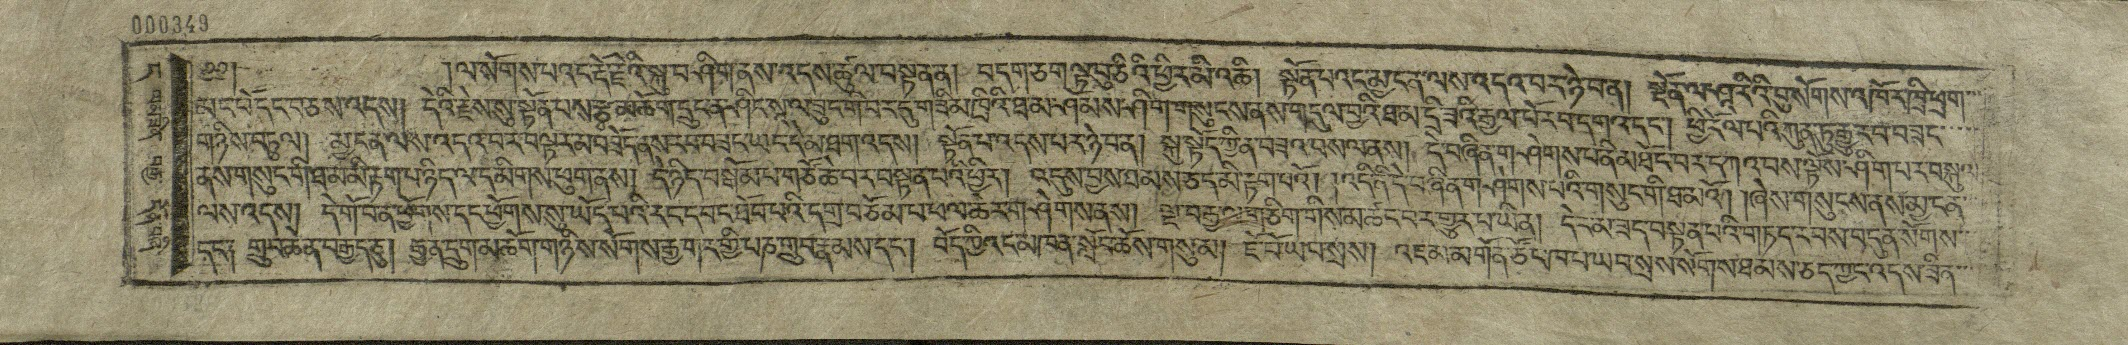༄༅། །ལ་སོགས་པའང་རྡོ་རྗེའི་སྐུ་བཤིག་ནས་འདས་ཚུལ་བསྟན་ན། བདག་ཅག་ལྟ་བུ་ཅིའི་ཕྱིར་མི་འཆི། སྟོན་པའང་མྱ་ངན་ལས་འདའ་བར་ཉེ་བ་ན། སྔོན་ལ་ཤཱ་རིའི་བུ་སོགས་འཁོར་ཁྲི་ཕྲག་
མང་པོ་དང་བཅས་འདས། དེའི་རྗེས་སུ་སྟོན་པས་རྩྭ་མཆོག་དྲུང་ན་ཤིང་སཱ་ལ་ཟུང་གི་བར་དུ་གཟིམ་ཁྲིའི་ཐ་མ་ཤོམས་ཤིག་གསུངས་ནས་གདུལ་བྱའི་ཐ་མ་དྲི་ཟའི་རྒྱལ་པོ་རབ་དགའ་དང་། ཕྱི་རོལ་པའི་ཀུན་ཏུ་རྒྱུ་རབ་བཟང་
གཉིས་བཏུལ། མྱ་ངན་ལས་འདའ་བར་བལྟར་མ་བཟོད་ནས་རབ་བཟང་ཡང་དེ་མ་ཐག་འདས། སྟོན་པ་འདས་པར་ཉེ་བ་ན། སྐུ་སྟོད་ཀྱི་ན་བཟའ་བསལ་ནས། དེ་བཞིན་གཤེགས་པ་ནི་མཐོང་བར་དཀའ་བས་ལྟོས་ཤིག་པར་བསྐུལ་
ནས་གསུང་གི་ཐ་མ་མི་རྟག་པ་ཉིད་ལ་དམིགས་ཕུག་ནས། དེ་ཉིད་བསྒོམ་པ་གཙོ་ཆེ་བར་བསྟན་པའི་ཕྱིར། འདུས་བྱས་ཐམས་ཅད་མི་རྟག་པའོ། །འདི་ནི་དེ་བཞིན་གཤེགས་པའི་གསུང་གི་ཐ་མའོ། །ཞེས་གསུངས་ནས་མྱ་ངན་
ལས་འདས། དེ་གོ་བ་ན་ཕྱོགས་དང་ཕྱོགས་སུ་ཡོད་པའི་རང་དབང་ཐོབ་པའི་དགྲ་བཅོམ་པ་ཕལ་ཆེར་གཤེགས་ནས། ལྔ་བརྒྱ་ལ་གཅིག་གིས་མ་ཚང་བར་གྱུར་པ་ཡིན། དེར་མ་ཟད་བསྟན་པའི་གཏད་རབས་བདུན་སོགས་
དང༑ གྲུབ་ཆེན་བརྒྱད་ཅུ། རྒྱན་དྲུག་མཆོག་གཉིས་སོགས་རྒྱ་གར་གྱི་པཎ་གྲུབ་རྣམས་དང་། བོད་ཀྱིའང་མཁན་སློབ་ཆོས་གསུམ། ཇོ་བོ་ཡབ་སྲས། འཇམ་མགོན་ཙོང་ཁ་པ་ཡབ་སྲས་སོགས་ཐམས་ཅད་ཀྱང་འདས་ཟིན་